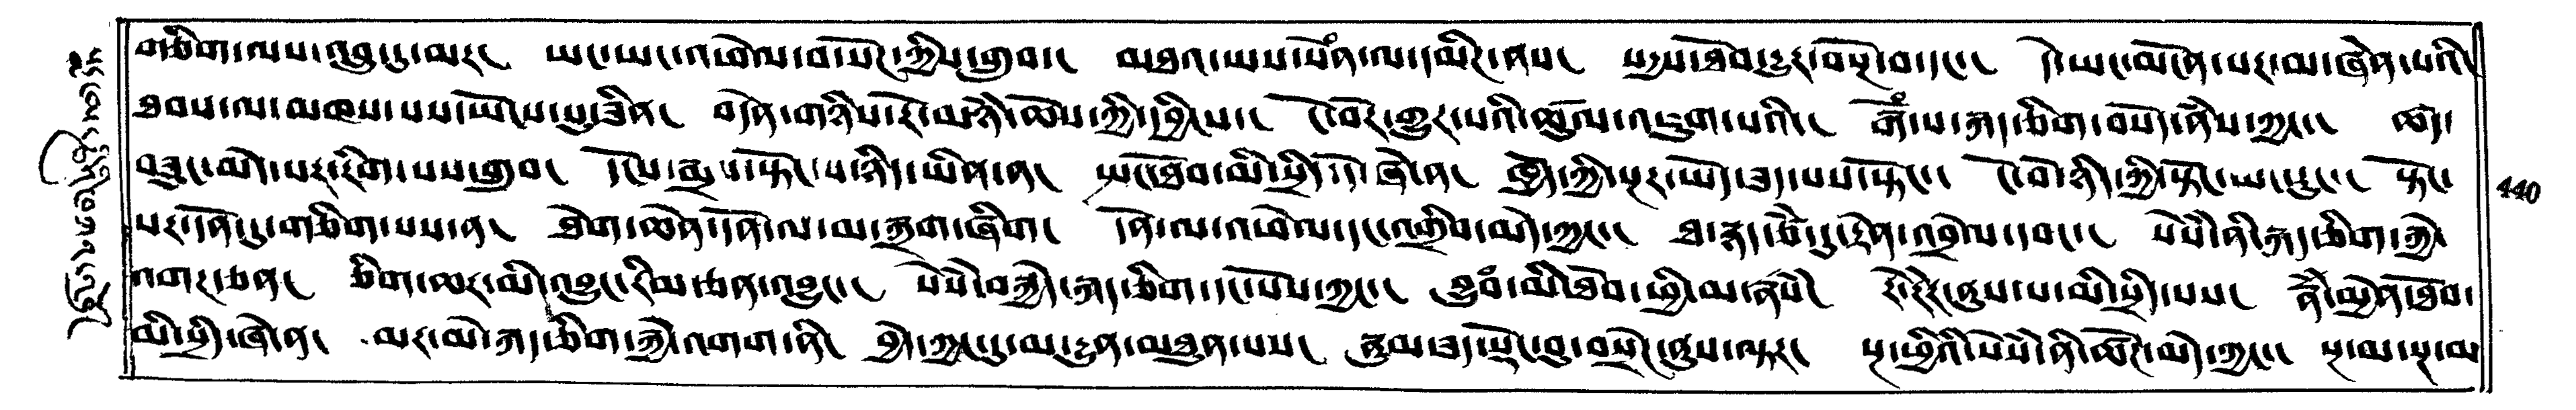གཅིག་ལས་འབྲུ་དུ་མ། །ཡང་ཡང་འཕེལ་བ་སོགས་ཀྱིས་གྲུབ། །མཐའ་ཡས་སེམས་ཅན་ལ་དམིགས་ནས། །སངས་རྒྱས་འཐོབ་རྒྱུར་བསྔོ་བ་དང་། །དེ་ཡང་མངོན་པར་མ་ཞེན་པའི། །
ཐབས་ལ་མཁས་པས་ཡོངས་སུ་ཟིན། །བདེན་གཉིས་རོ་མཉམ་ཆོས་ཀྱི་དབྱིངས། །ངོ་བོར་གྱུར་པའི་ཚུལ་འཇུག་པའི། །སྒོམ་པ་སྐད་ཅིག་བསཽད་ནམས་ཀྱང་། །ཚད་
བཟུང་མེད་པར་རིགས་པས་གྲུབ། །དངོས་སྨྲས་སྟོང་པ་ཉིད་ཡིན་ན། །སྤང་ཐོབ་མི་སྲིད་དོ་ཞེ་ན།ཁྱོད་ཀྱི་སྔར་ཡོད་ཟད་པས་སྟོང་། །ངོ་བོ་ཉིད་ཀྱིས་སྟོང་ཡང་རུང་། །སྟོང་
པར་དོན་དུ་གཅིག་པས་ན། །ཐེག་ཆེན་དོན་ལ་མ་སྐྲག་ཅིག །དོན་ལ་འཕེལ་དང་འགྲིབ་མེད་ཀྱང་། །ཐ་སྙད་ཙམ་དུ་རྟེན་འབྲེལ་དབང་། །སེམས་ནི་སྐད་ཅིག་སྐྱེ་
འགག་ཅན། །ཅིག་ཆར་མི་འབྱུང་རིམ་ཅན་འབྱུང་། །སེམས་བསྐྱེད་སྐད་ཅིག་དང་པོས་ཀྱང་། །བྱང་ཆུབ་མི་འཐོབ་ཕྱི་མ་རྣམས། །རེ་རེར་ནུས་པ་མི་སྲིད་པས། །རྣམ་མཁྱེན་འཐོབ་
མི་སྲིད་ཅེ་ན། །མར་མེ་སྐད་ཅིག་སྐྱེ་འགག་ནི། །བྱེད་ཀྱང་དུ་མ་རྒྱུན་མཐུན་པས། །སྣུམ་ཟད་སྡོང་བུ་བསྲེགས་ནུས་ལྟར། །སྔ་ཕྱིའི་སེམས་ནི་ཚོགས་མེད་ཀྱང་། །སྔ་མ་སྔ་མ་